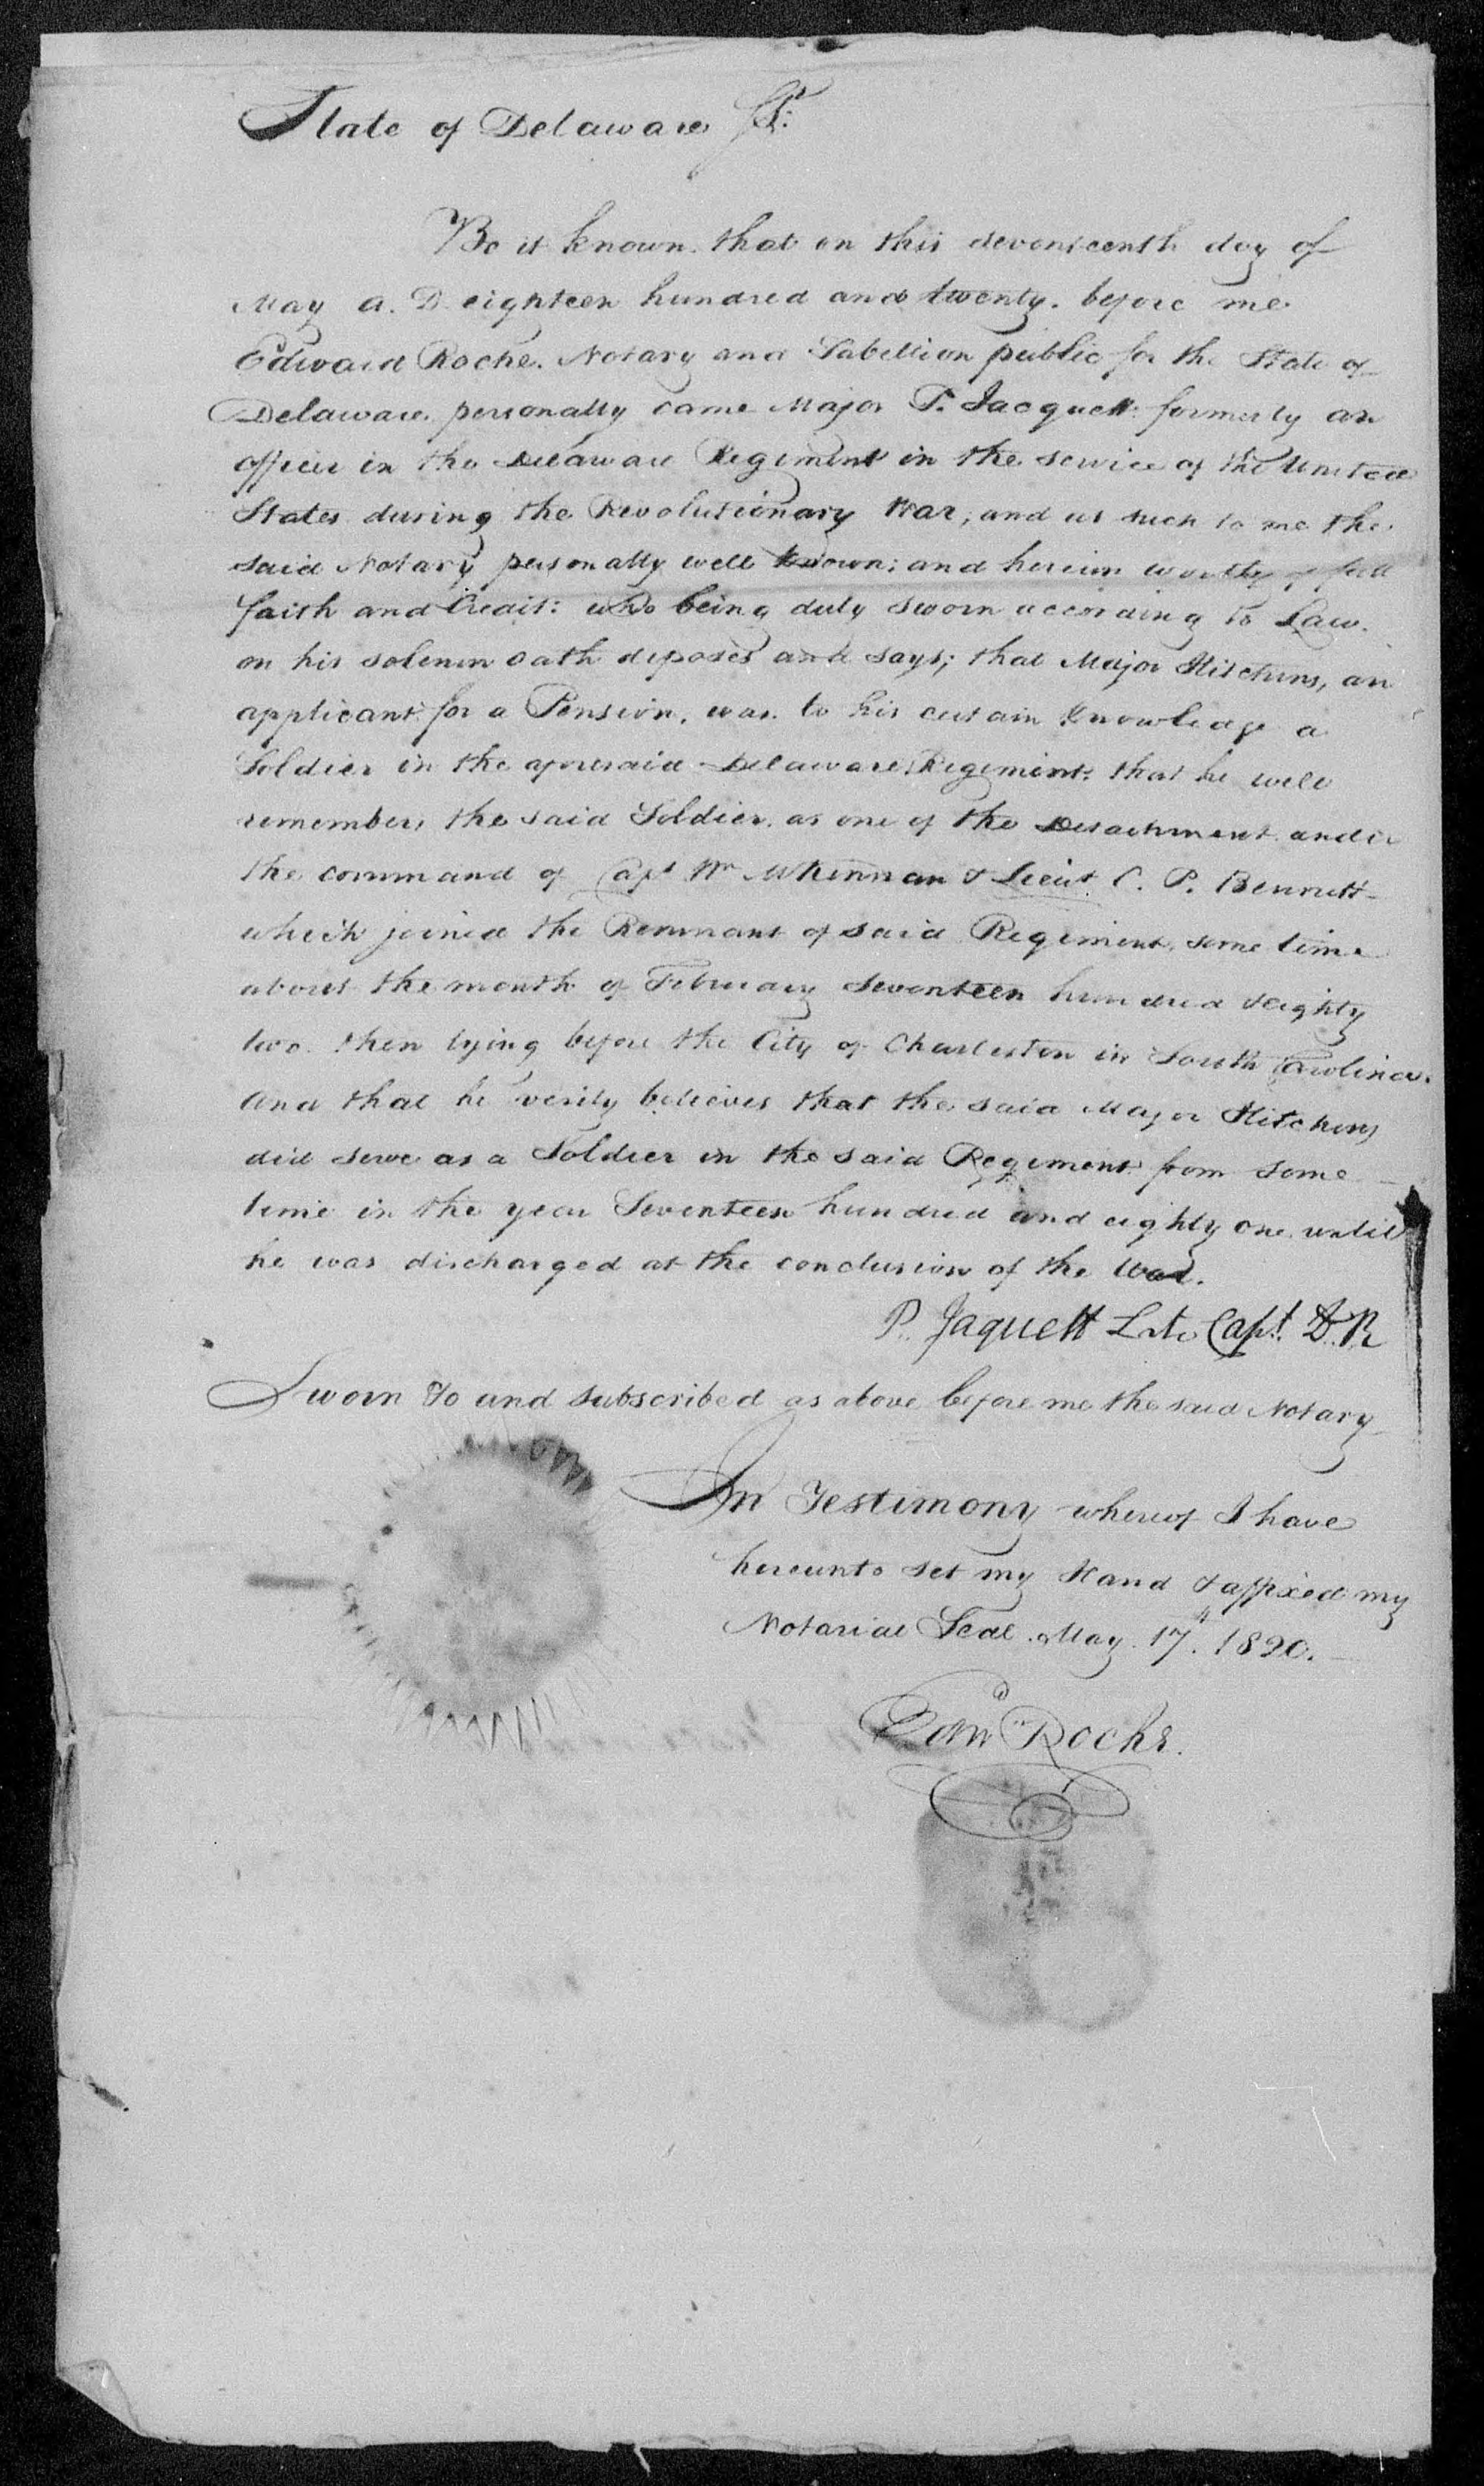[handwritten]

State of Delaware [illegible] S:

Be it known that on this seventeenth day of
May a. D. eighteen hundred and twenty, before me
Edward Roche, notary and Tabellion public for the State of 
Delaware, personally came Major P. Jacquett formerly an
officer in the Delaware Regiment in the service of the United
States during the Revolutionary War, and as such to me the
said notary personally well known; and herein worthy of full
faith and credit: who being duly sworn according to Law,
on his solemn oath deposes and says, that Major Hitchens, an
applicant for a Pension, was to his certain knowledge a
Soldier in the aforesaid Delaware Regiment; that he well
remembers the said Soldier as one of the Detachment and in
the command of Capt. Wm. Mc Kennan & Lieut C. P. Bennett,
which joined the Remnant of said Regiment some time
about the month of February Seventeen hundred  eighty two
when lying before the City of Charleston in South Carolina,
and that he verily believes that the said Major Hitchens
did serve as a Soldier in the said Regiment from some
time in the year Seventeen hundred and eighty one until
he was discharged at the conclusion of the war.

P. Jaquett Late Capt. D.R.
sworn to and subscribed as above before me the said notary

In Testimony whereof I have
hereunto set my Hand & affixed my
Notarial Seal, May 17, 1820.

Edw Roche

[possible smudged notary seal on document next to the "In testimony..." statement]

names: Edw Roche, C P Bennett, Major Hitchens, P Jaquett, Major Hitchens, Edward Roche, Wm Mc Kennan, P Jacquett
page: 18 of 21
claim: survivor's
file: S. 36017, Major Hitchens, Del.